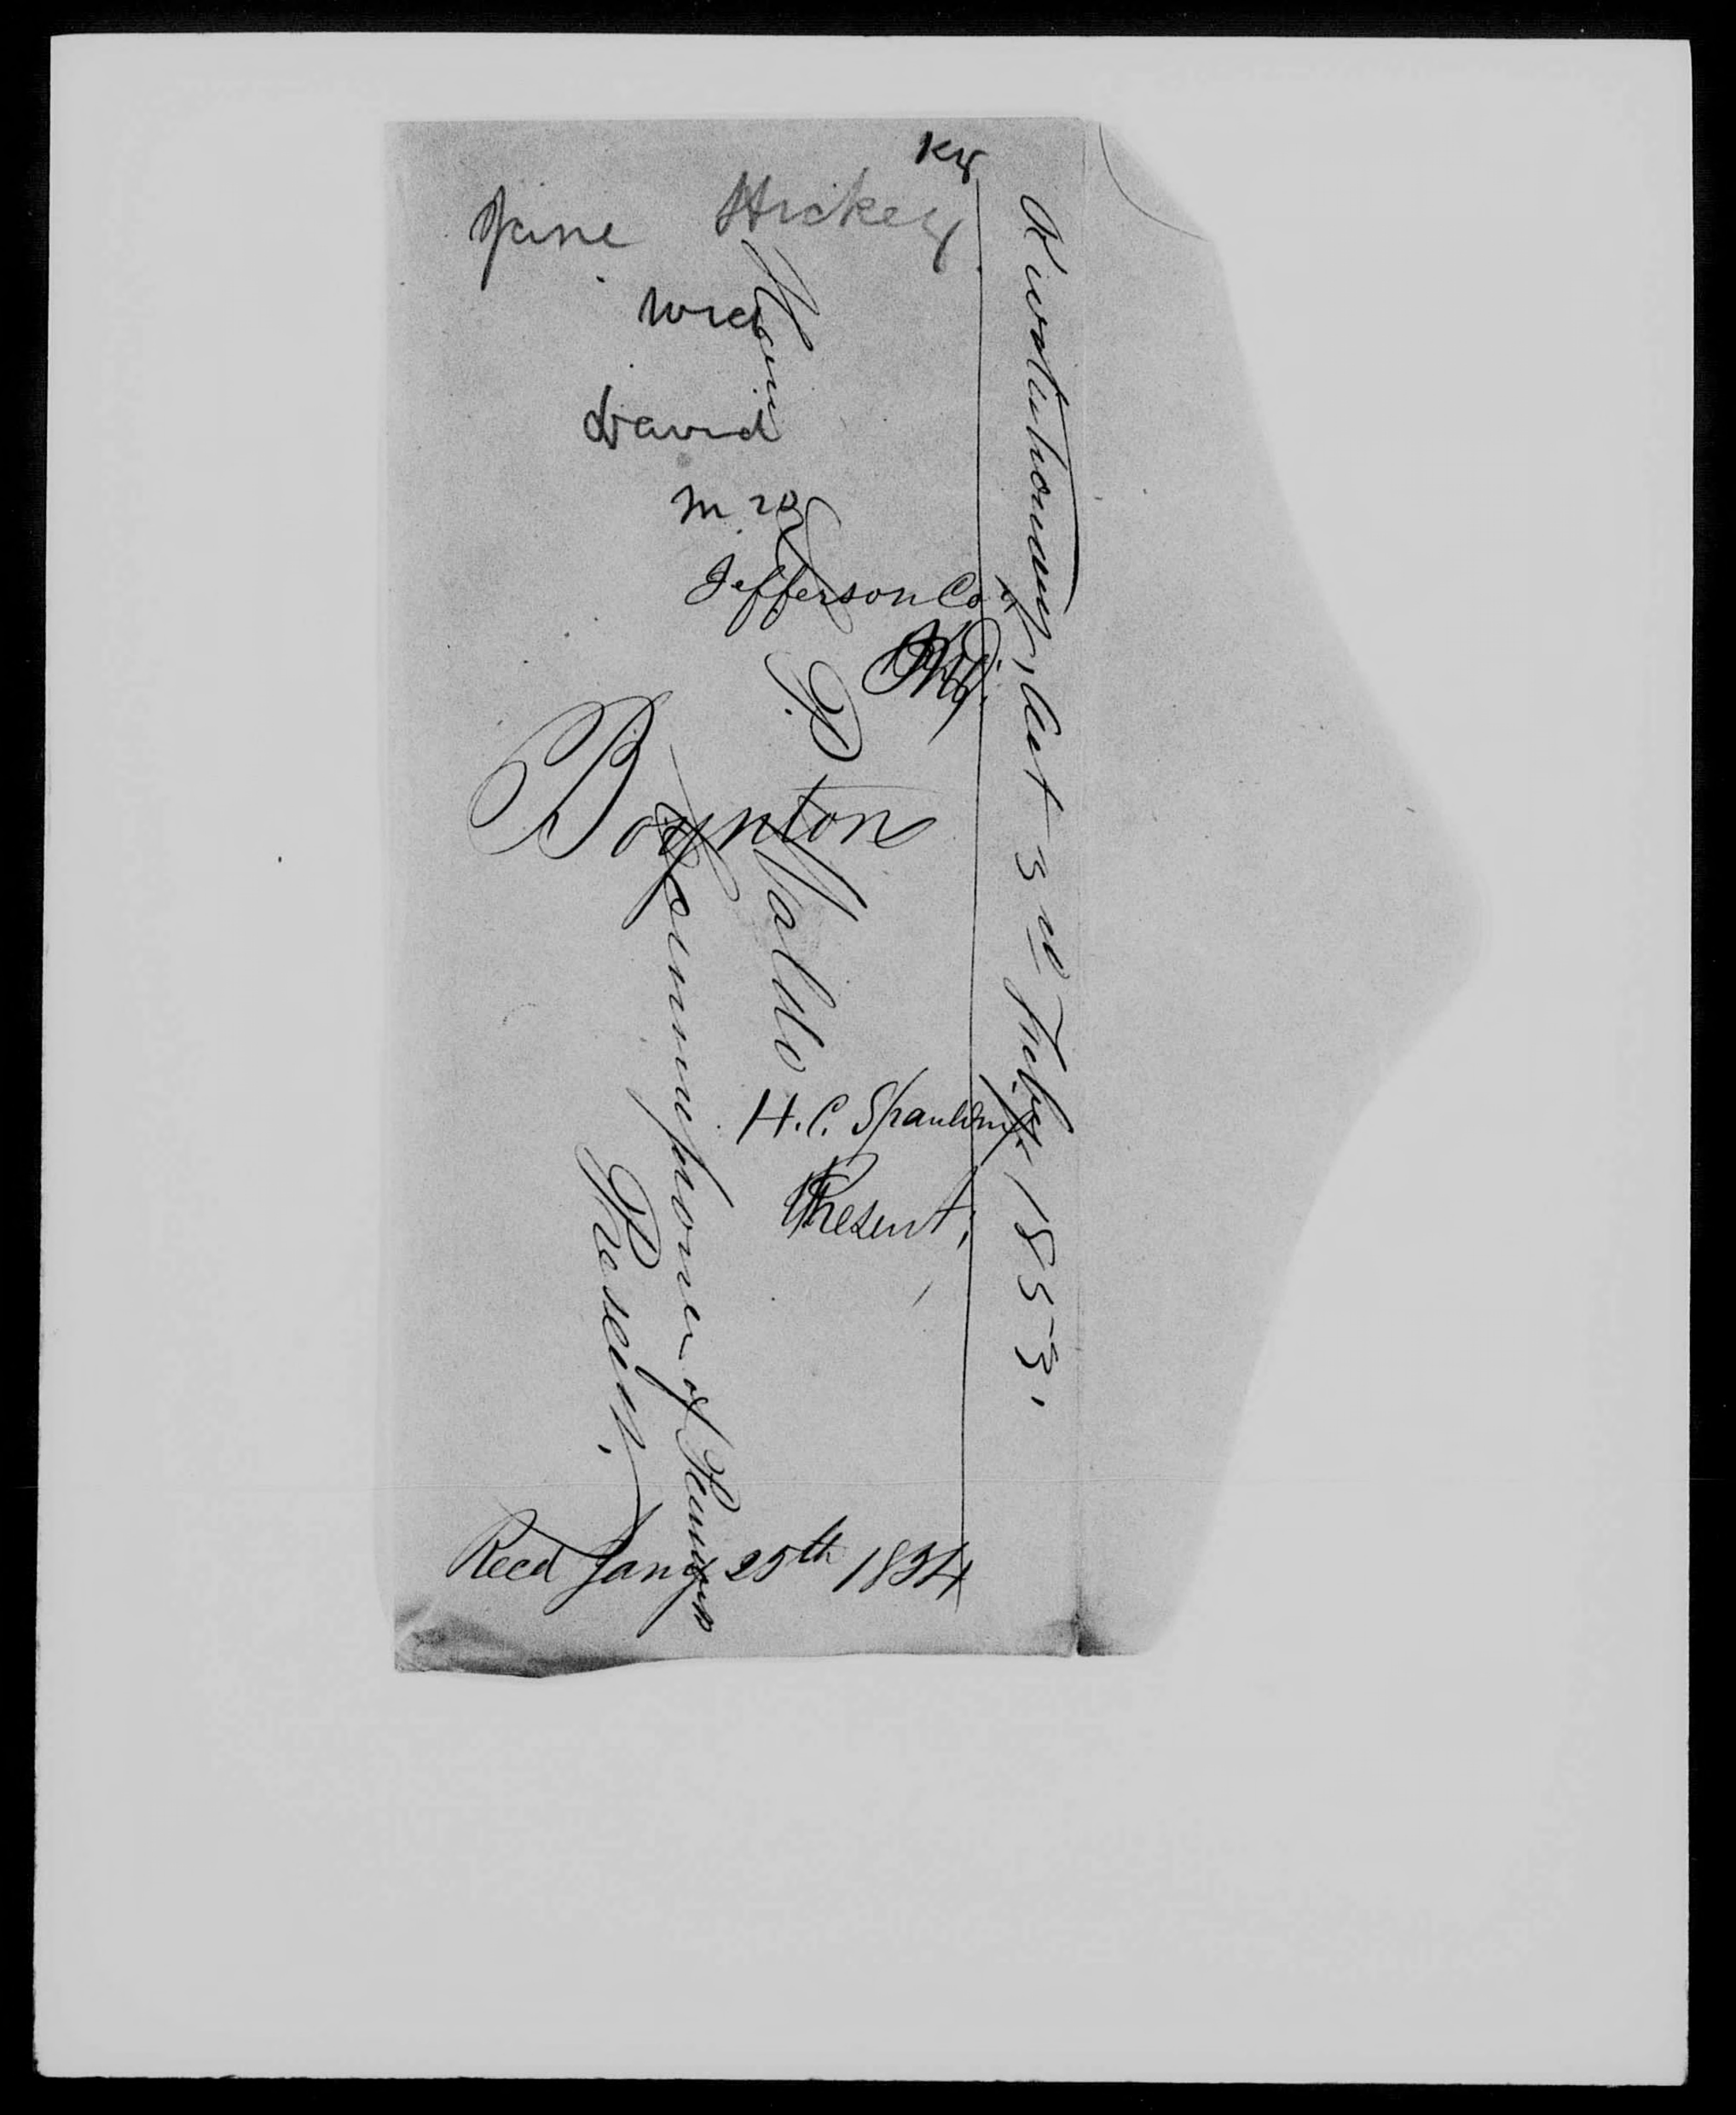Ky
Jane
Hickey
wid
David
M 20
Jefferson Co
Ky
Boynton
H. C. Spaulding
Present
Recd Jany 25th 1854
Revolutionary, Act 3rd Feby 1853.
L. P. Waldo
Commissioner of Pensions
Present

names: Jane Hickey, Boynton, L P Waldo, H C Spaulding, David Hickey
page: 19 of 84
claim: widow's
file: W. 7744, Daniel Hickey, Penn.